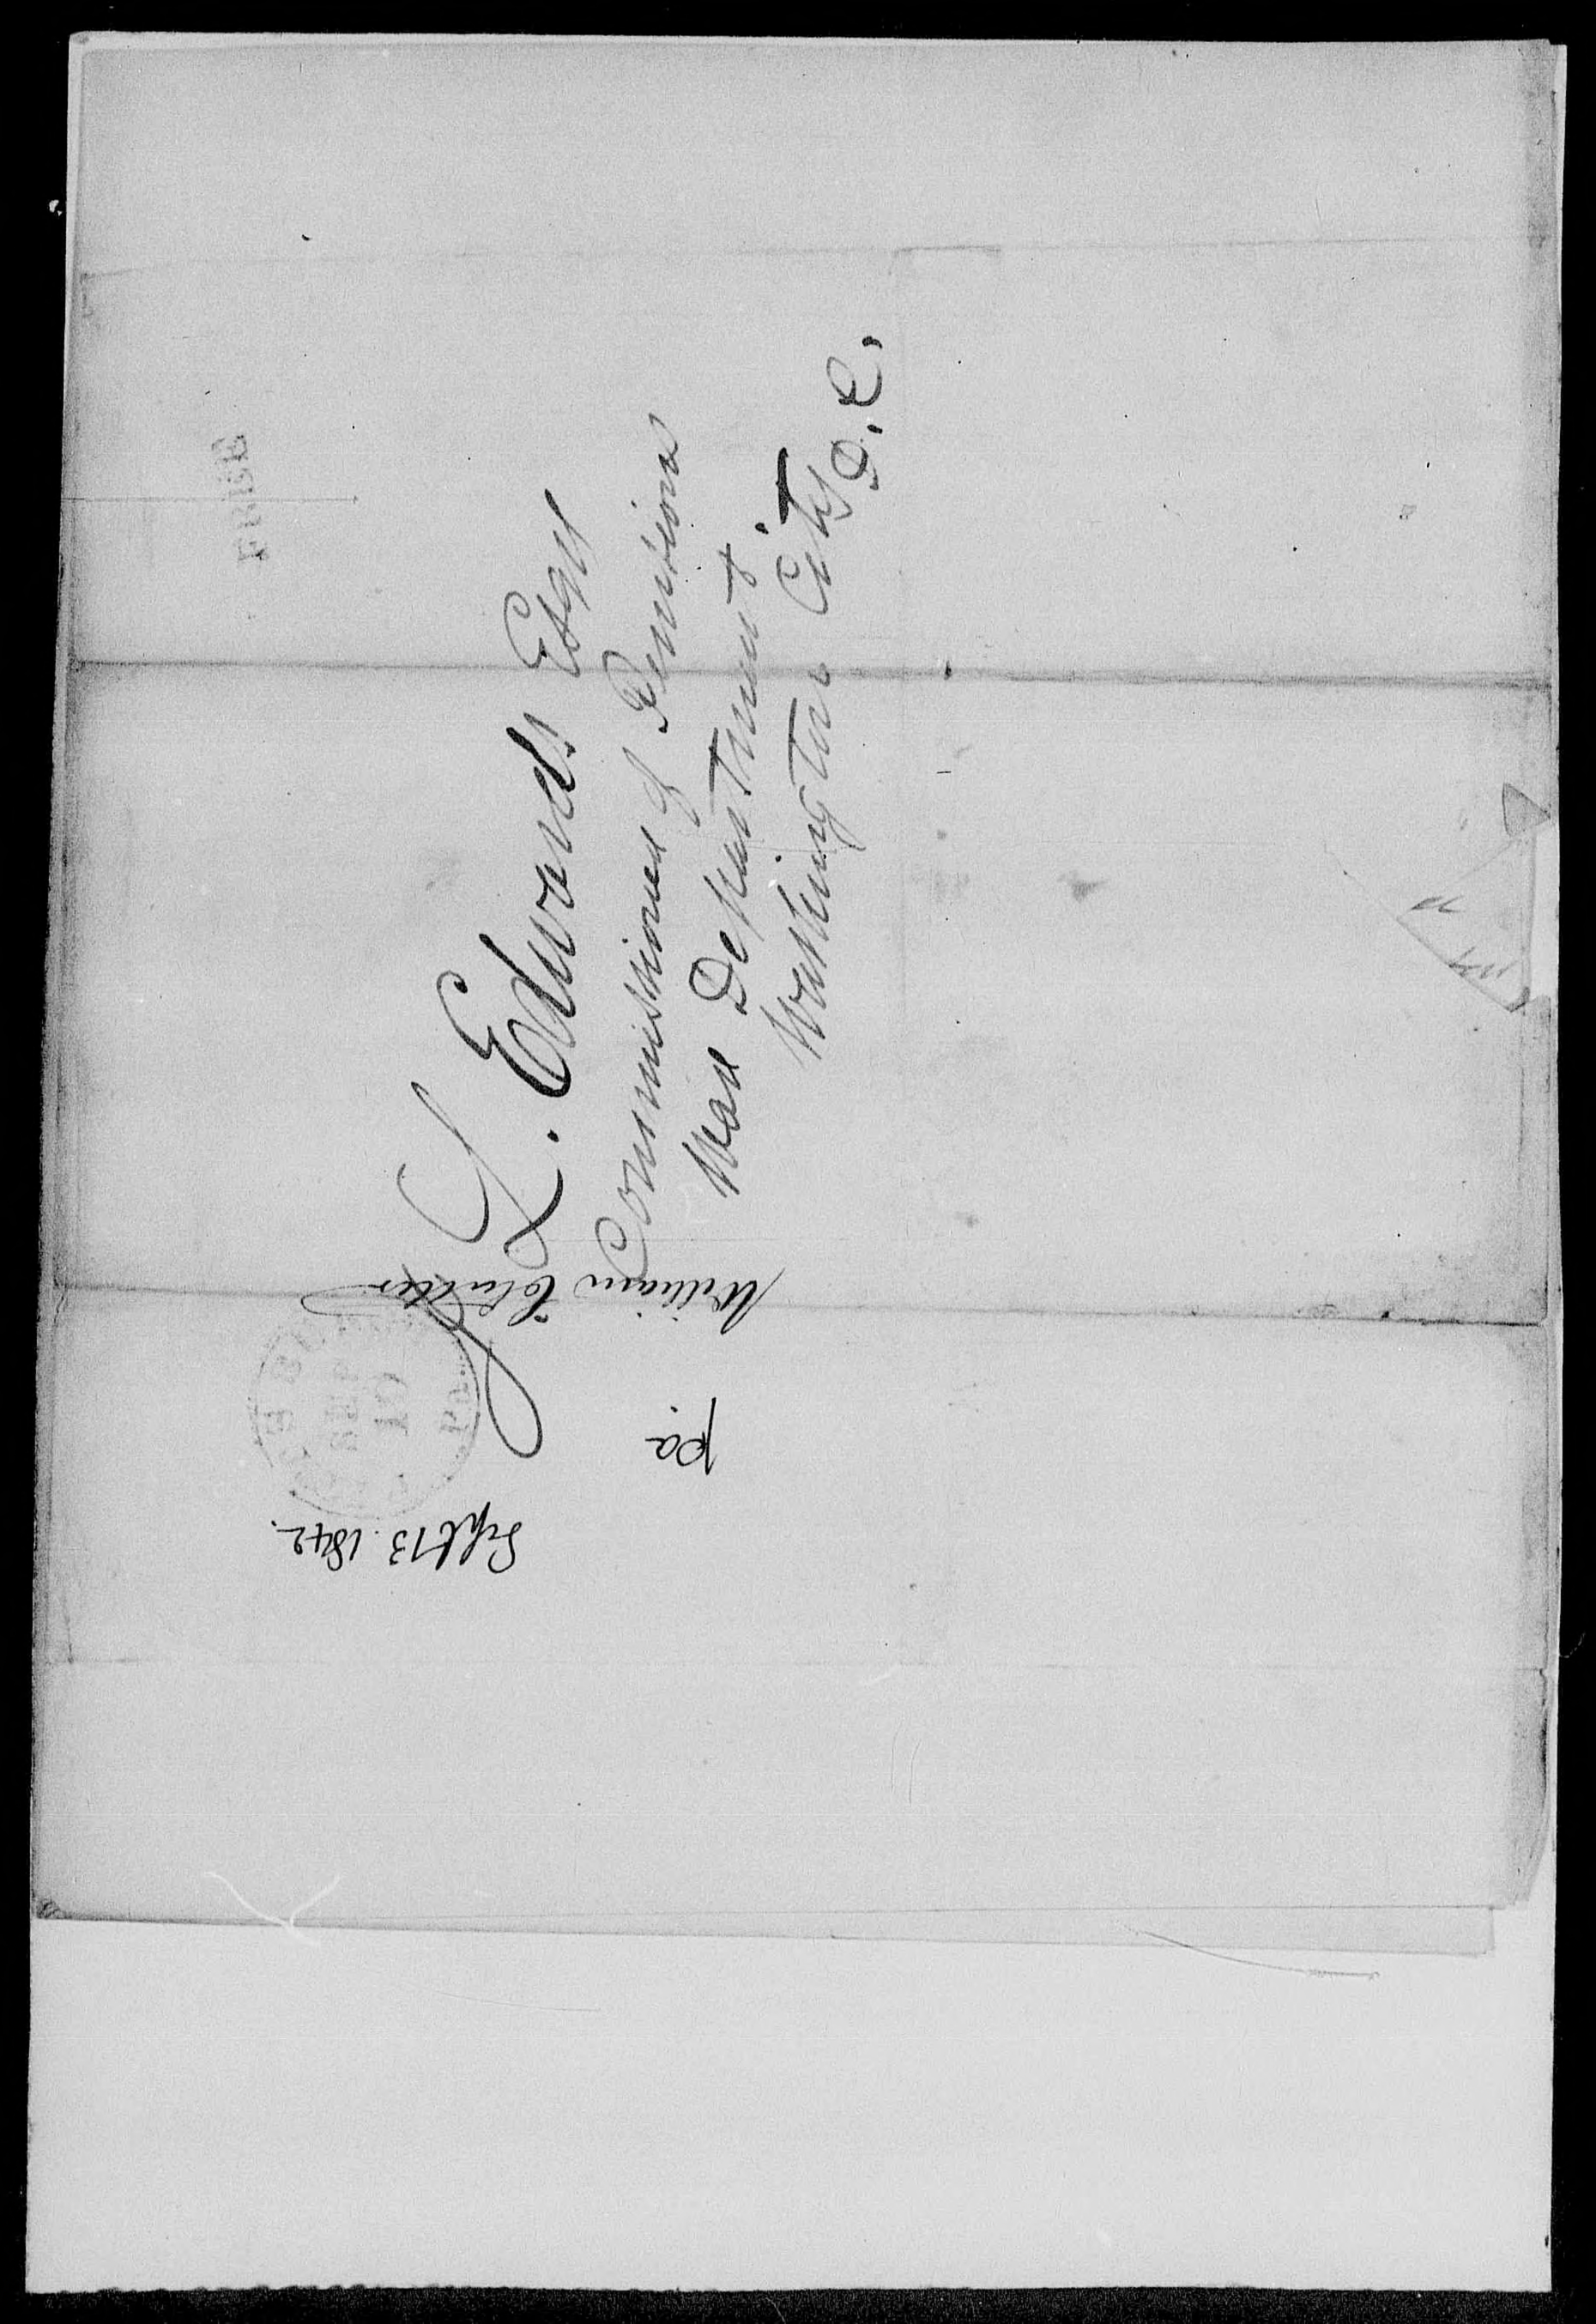J. L. Edwards, Esqr
Commissioner of Pensions
War Department
Washington City, D.C.


Sept 13 1842
Pa
William Clutter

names: J L Edwards, William Clutter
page: 18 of 35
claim: rejected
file: R. 2066, William Clutter, New Jersey